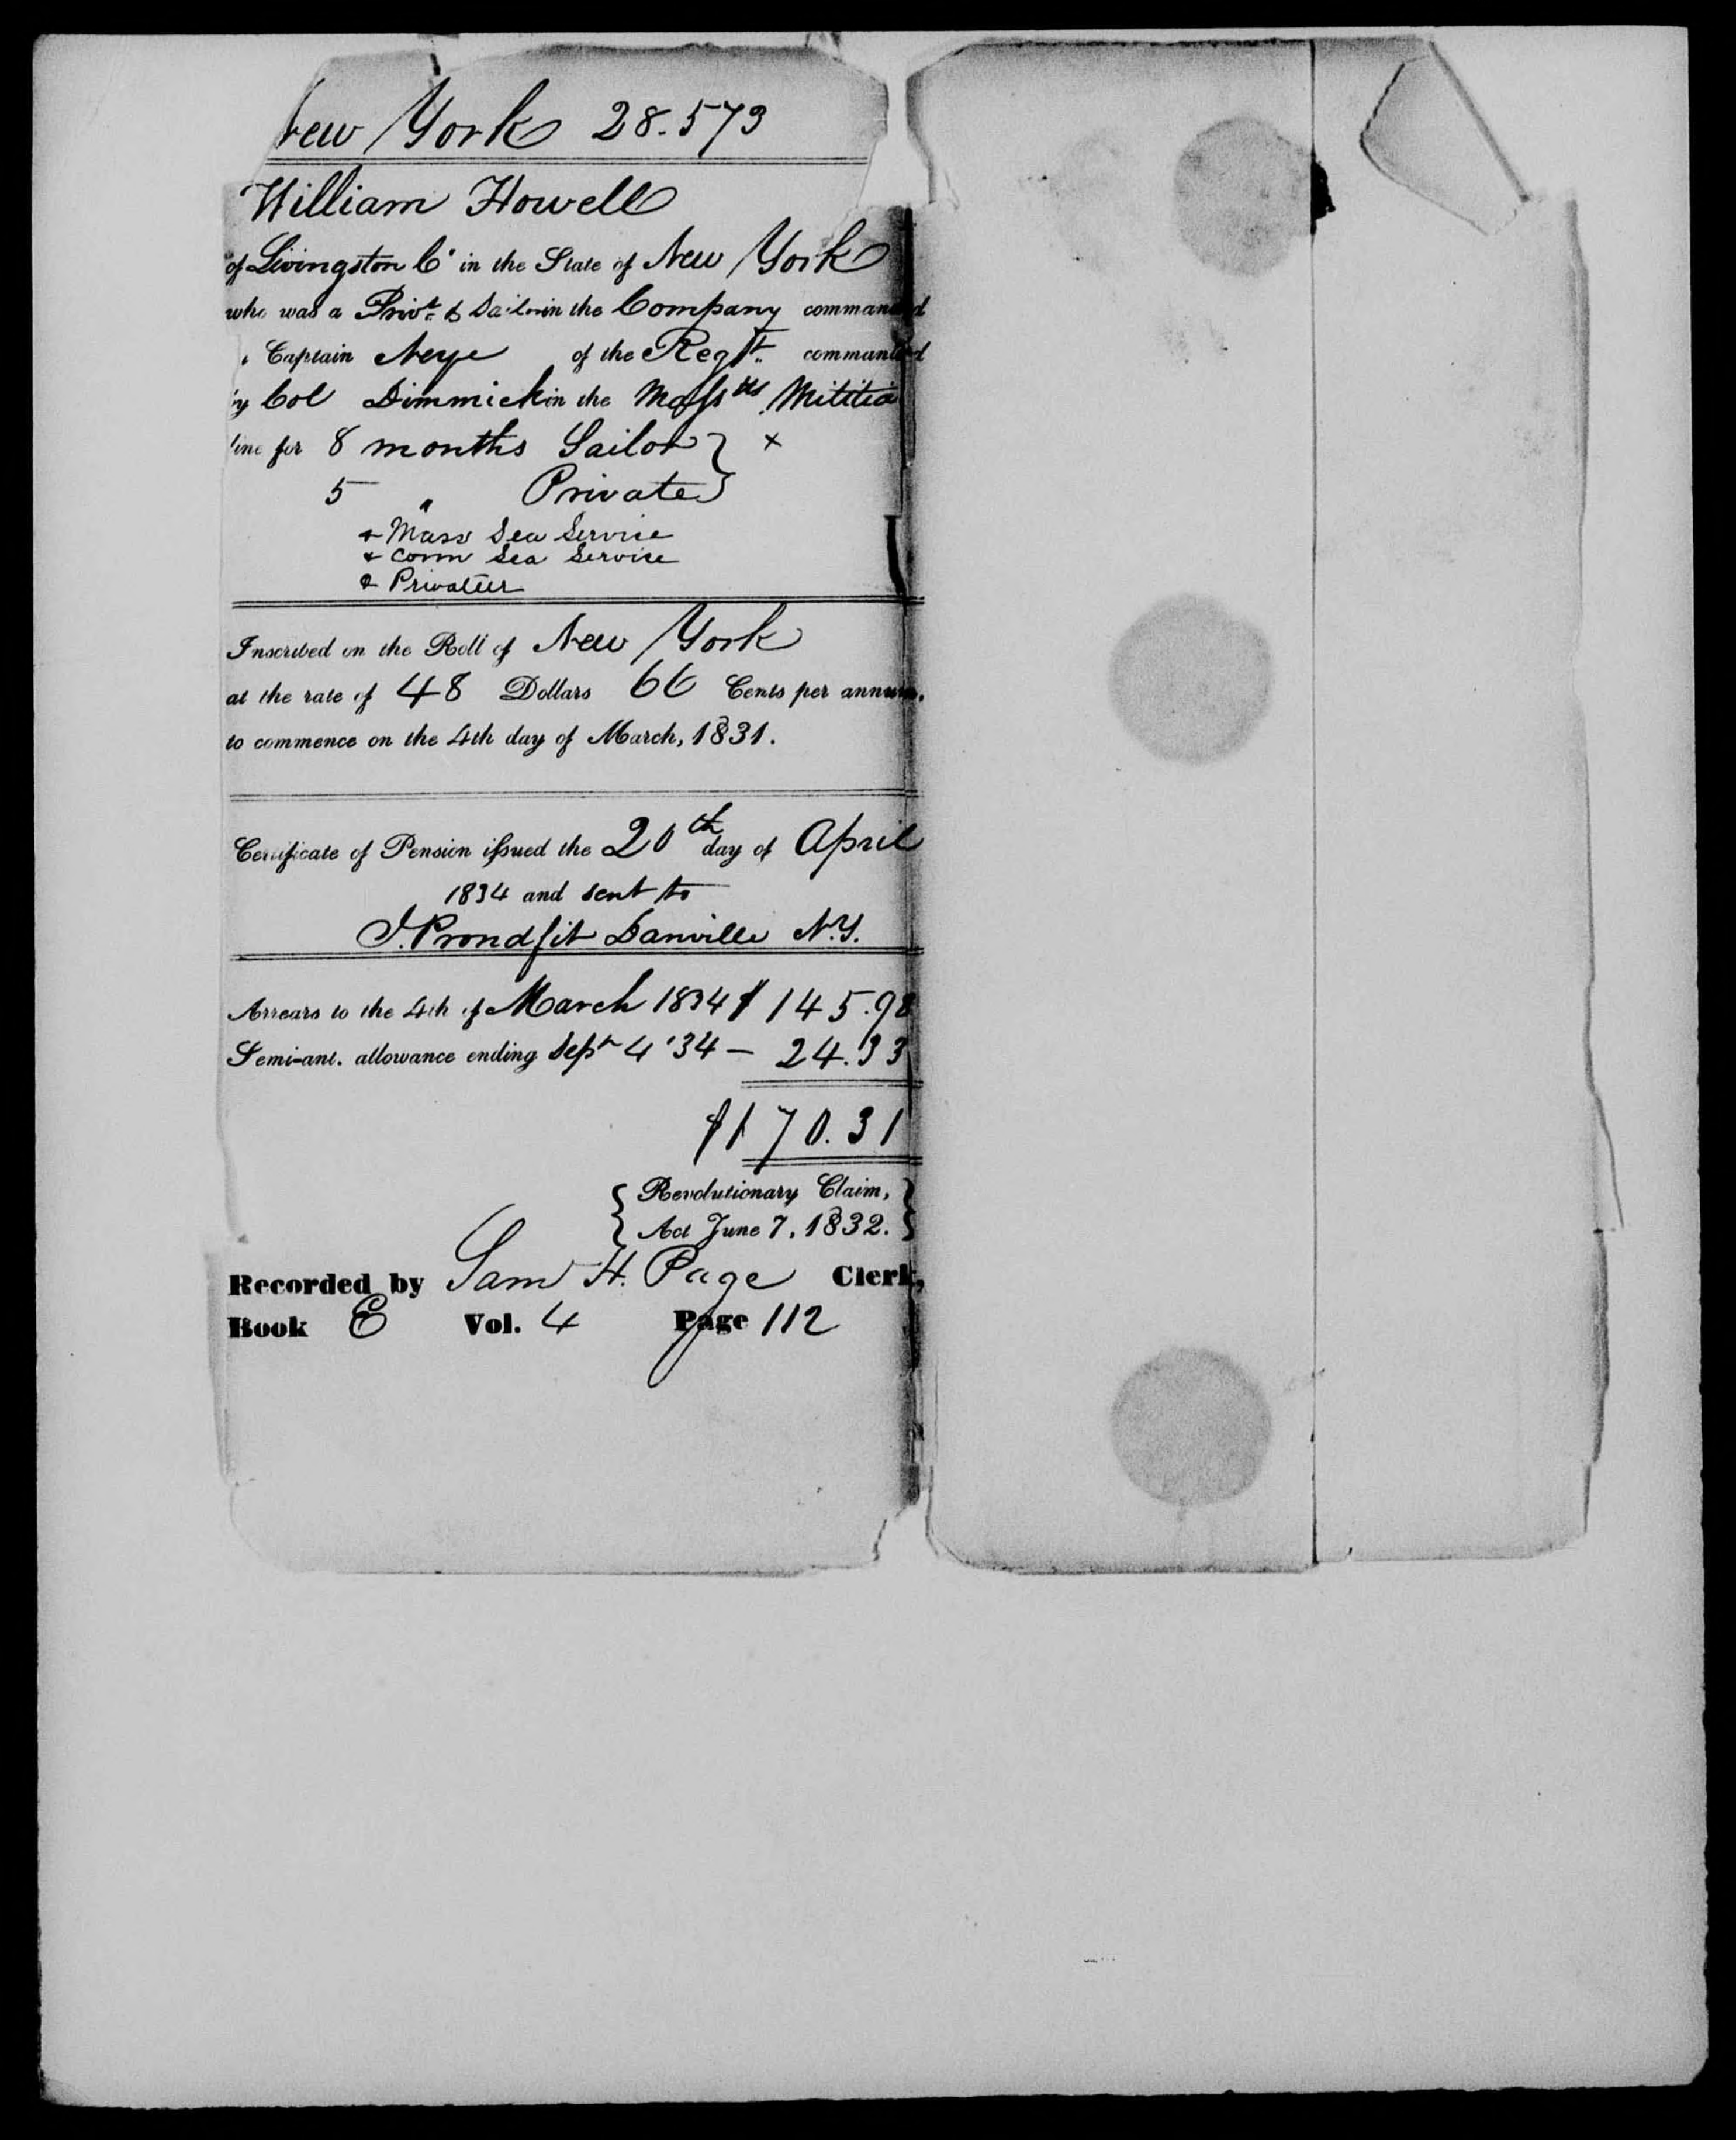New York 28.573

William Howell
of Livingston C. in the State of New York
who was a Priv (illegible) Sailor in the Company command
(torn page) Captain Neye of the Reg(illegible) command
(torn page) by Col Dimmock in the Masstts Militia
(torn page) (illegible) for 8 months Sailor
5 months Privater
+ Mass Sea Service
+ Conn Sea Service
+ Privateer

Inscribed on the Roll of New York
at the rate of 48 Dollars 66 cents per annum,
to commence on the 4th day of March 1831.

Certificate of Pension issued the 20th day of April
1834 and sent to 
J. Prondfit Danville N.Y.

Arrears to the 4th of March 1834 $145.98
Semi-anl. allowance ending Sept 4 '34  - 24.33
$170.31
Revolutionary Claim, 
Act June 7, 1832.
Recorded by Saml H. Page Clerk, 
Book (illegible) Vol. 4 Page 112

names: Dimmick, J Prondfit, Neye, Saml H Page, William Howell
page: 2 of 18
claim: survivor's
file: S. 18,039, William Howell, Conn. Sea Service Mass. And Mass. Sea Service Privateer